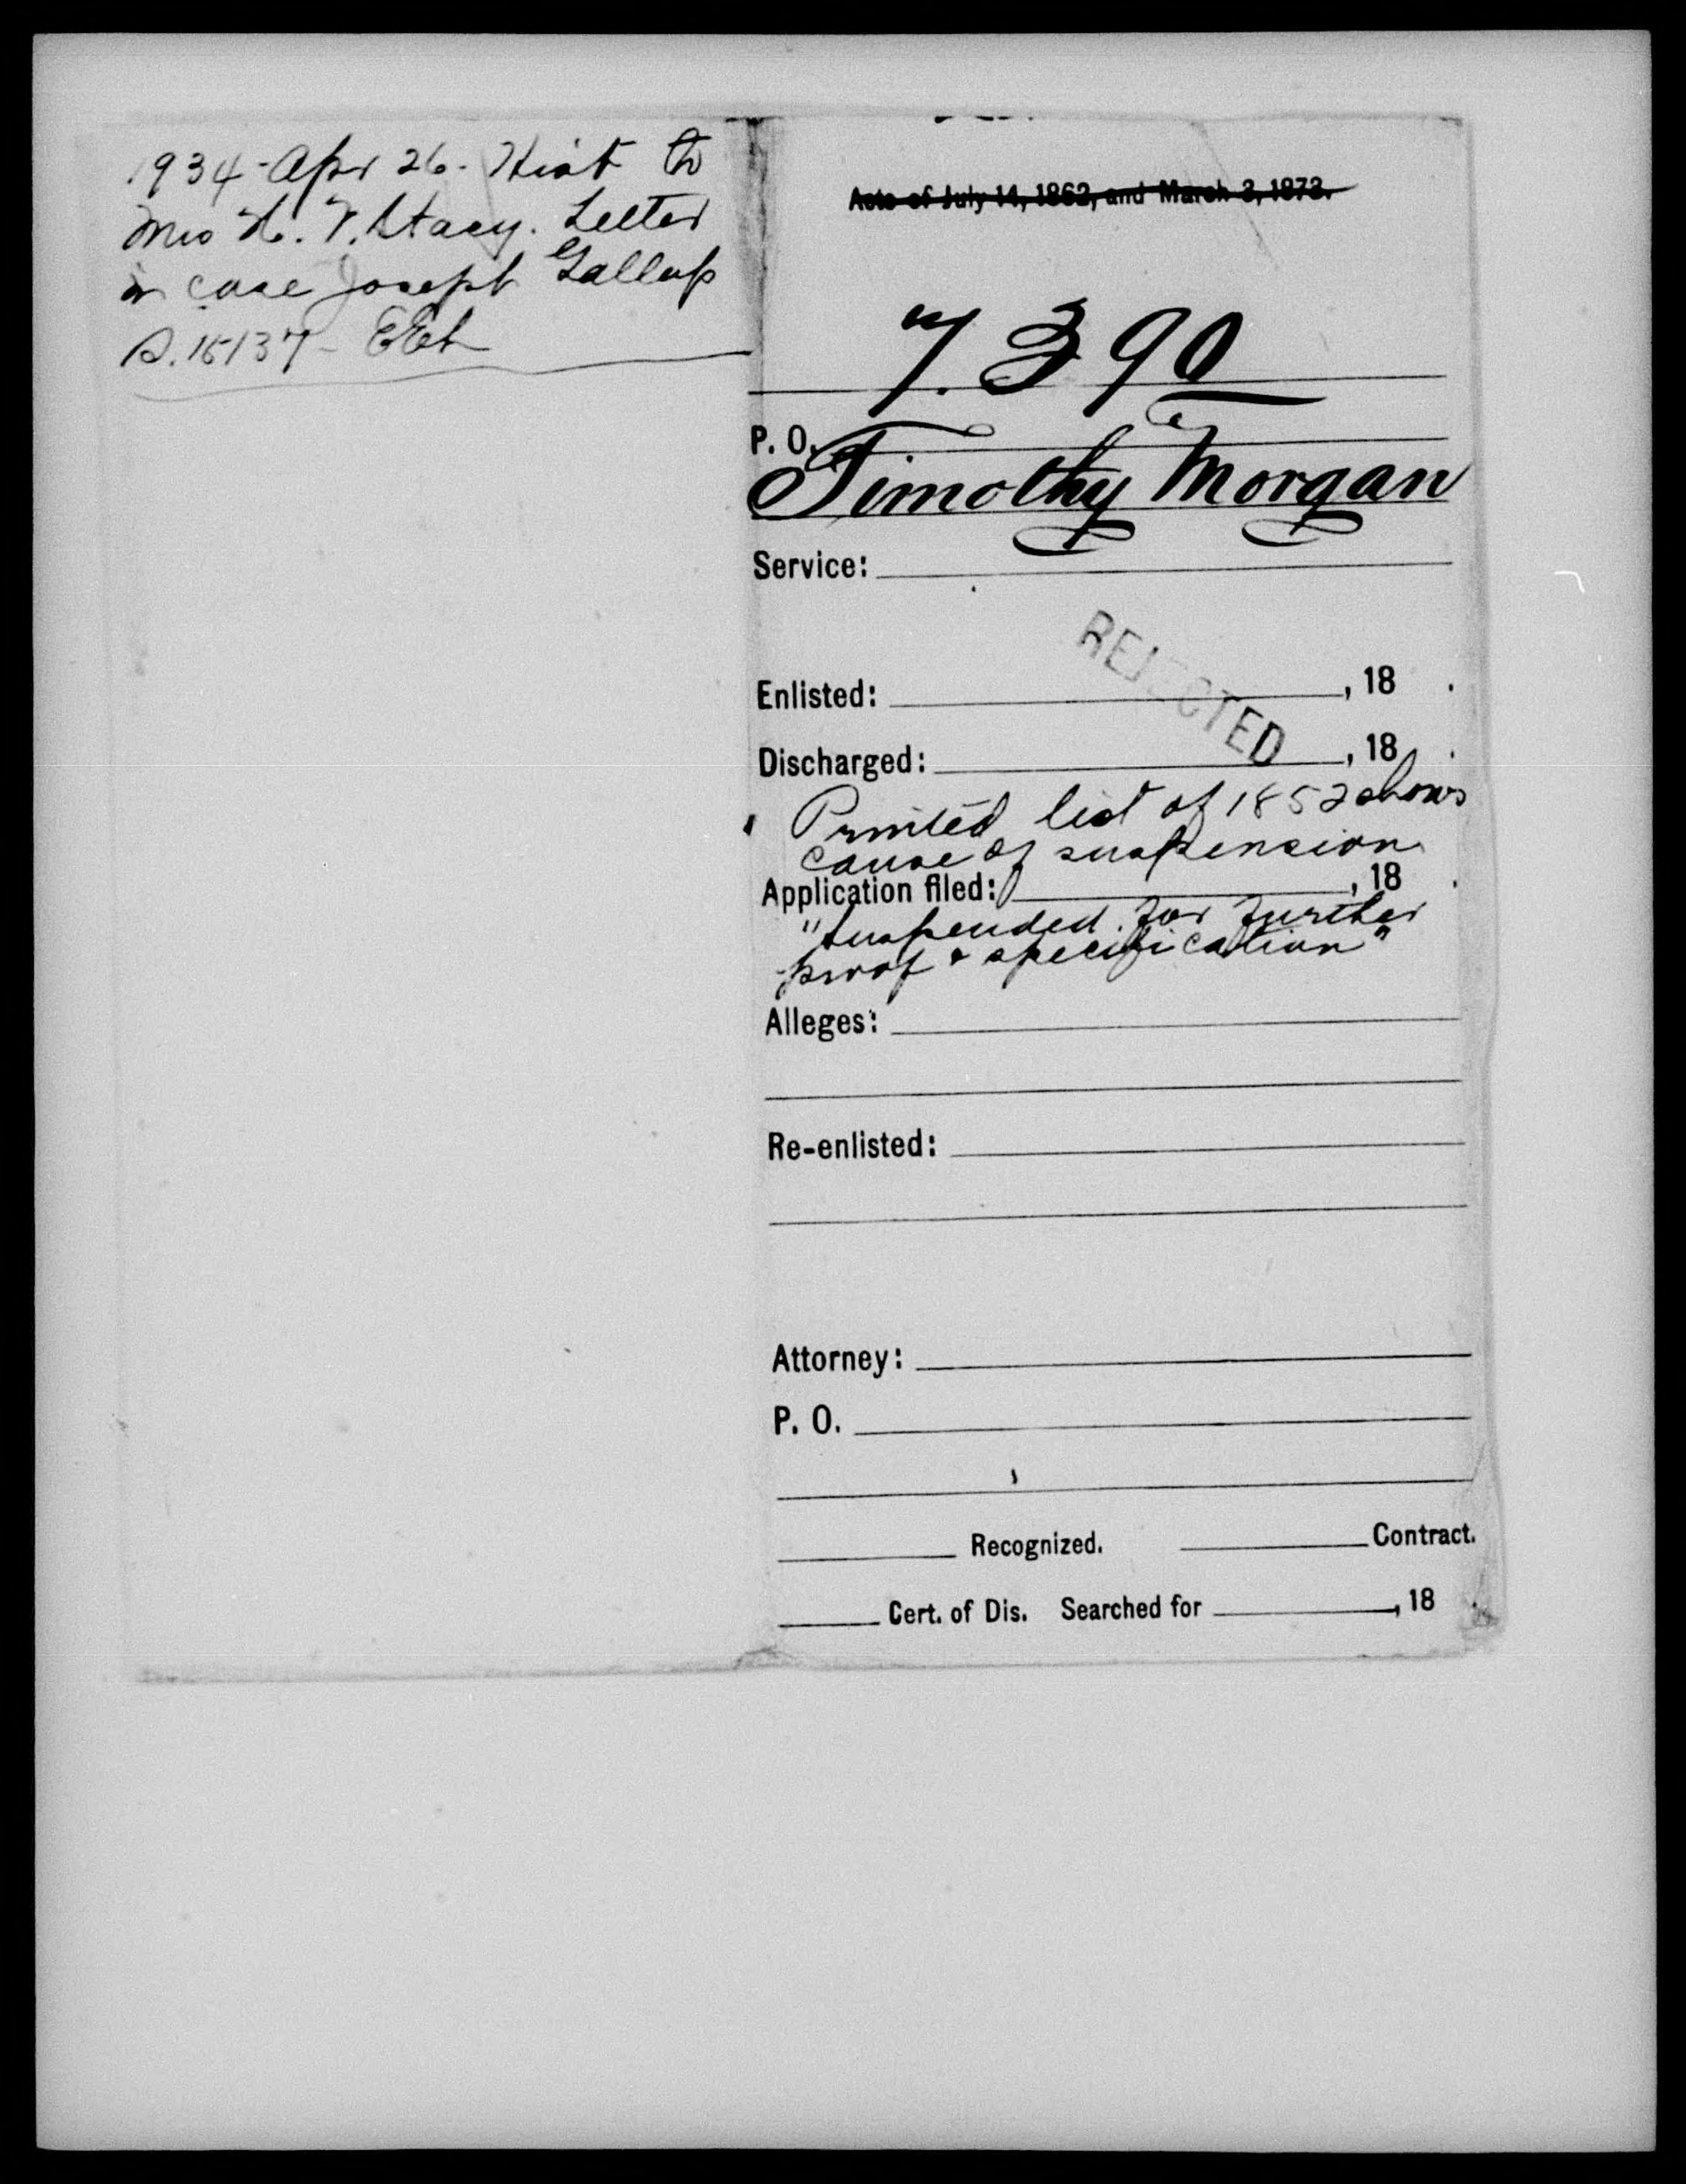1934 Apr 26. Hist to
Mrs H. V. Stacy Letter
in case Joseph Gallup
S.15137- EEh
7.390
Timothy Morgan
Service:
REJECTED
Enlisted: , 18
Discharged: , 18
Printed list of 1852 shows
cause of suspension
Application filed: , 18
Suspended for further
proof & specification
Alleges:
Re-enlisted:
Attorney:
P. O.
Recognized. Contract.
Cert. of Dis. Searched for , 18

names: H V Stacy; Timothy Morgan; Joseph Gallup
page: 11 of 19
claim: rejected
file: R 7390, for Timothy Morgan, Connecticut